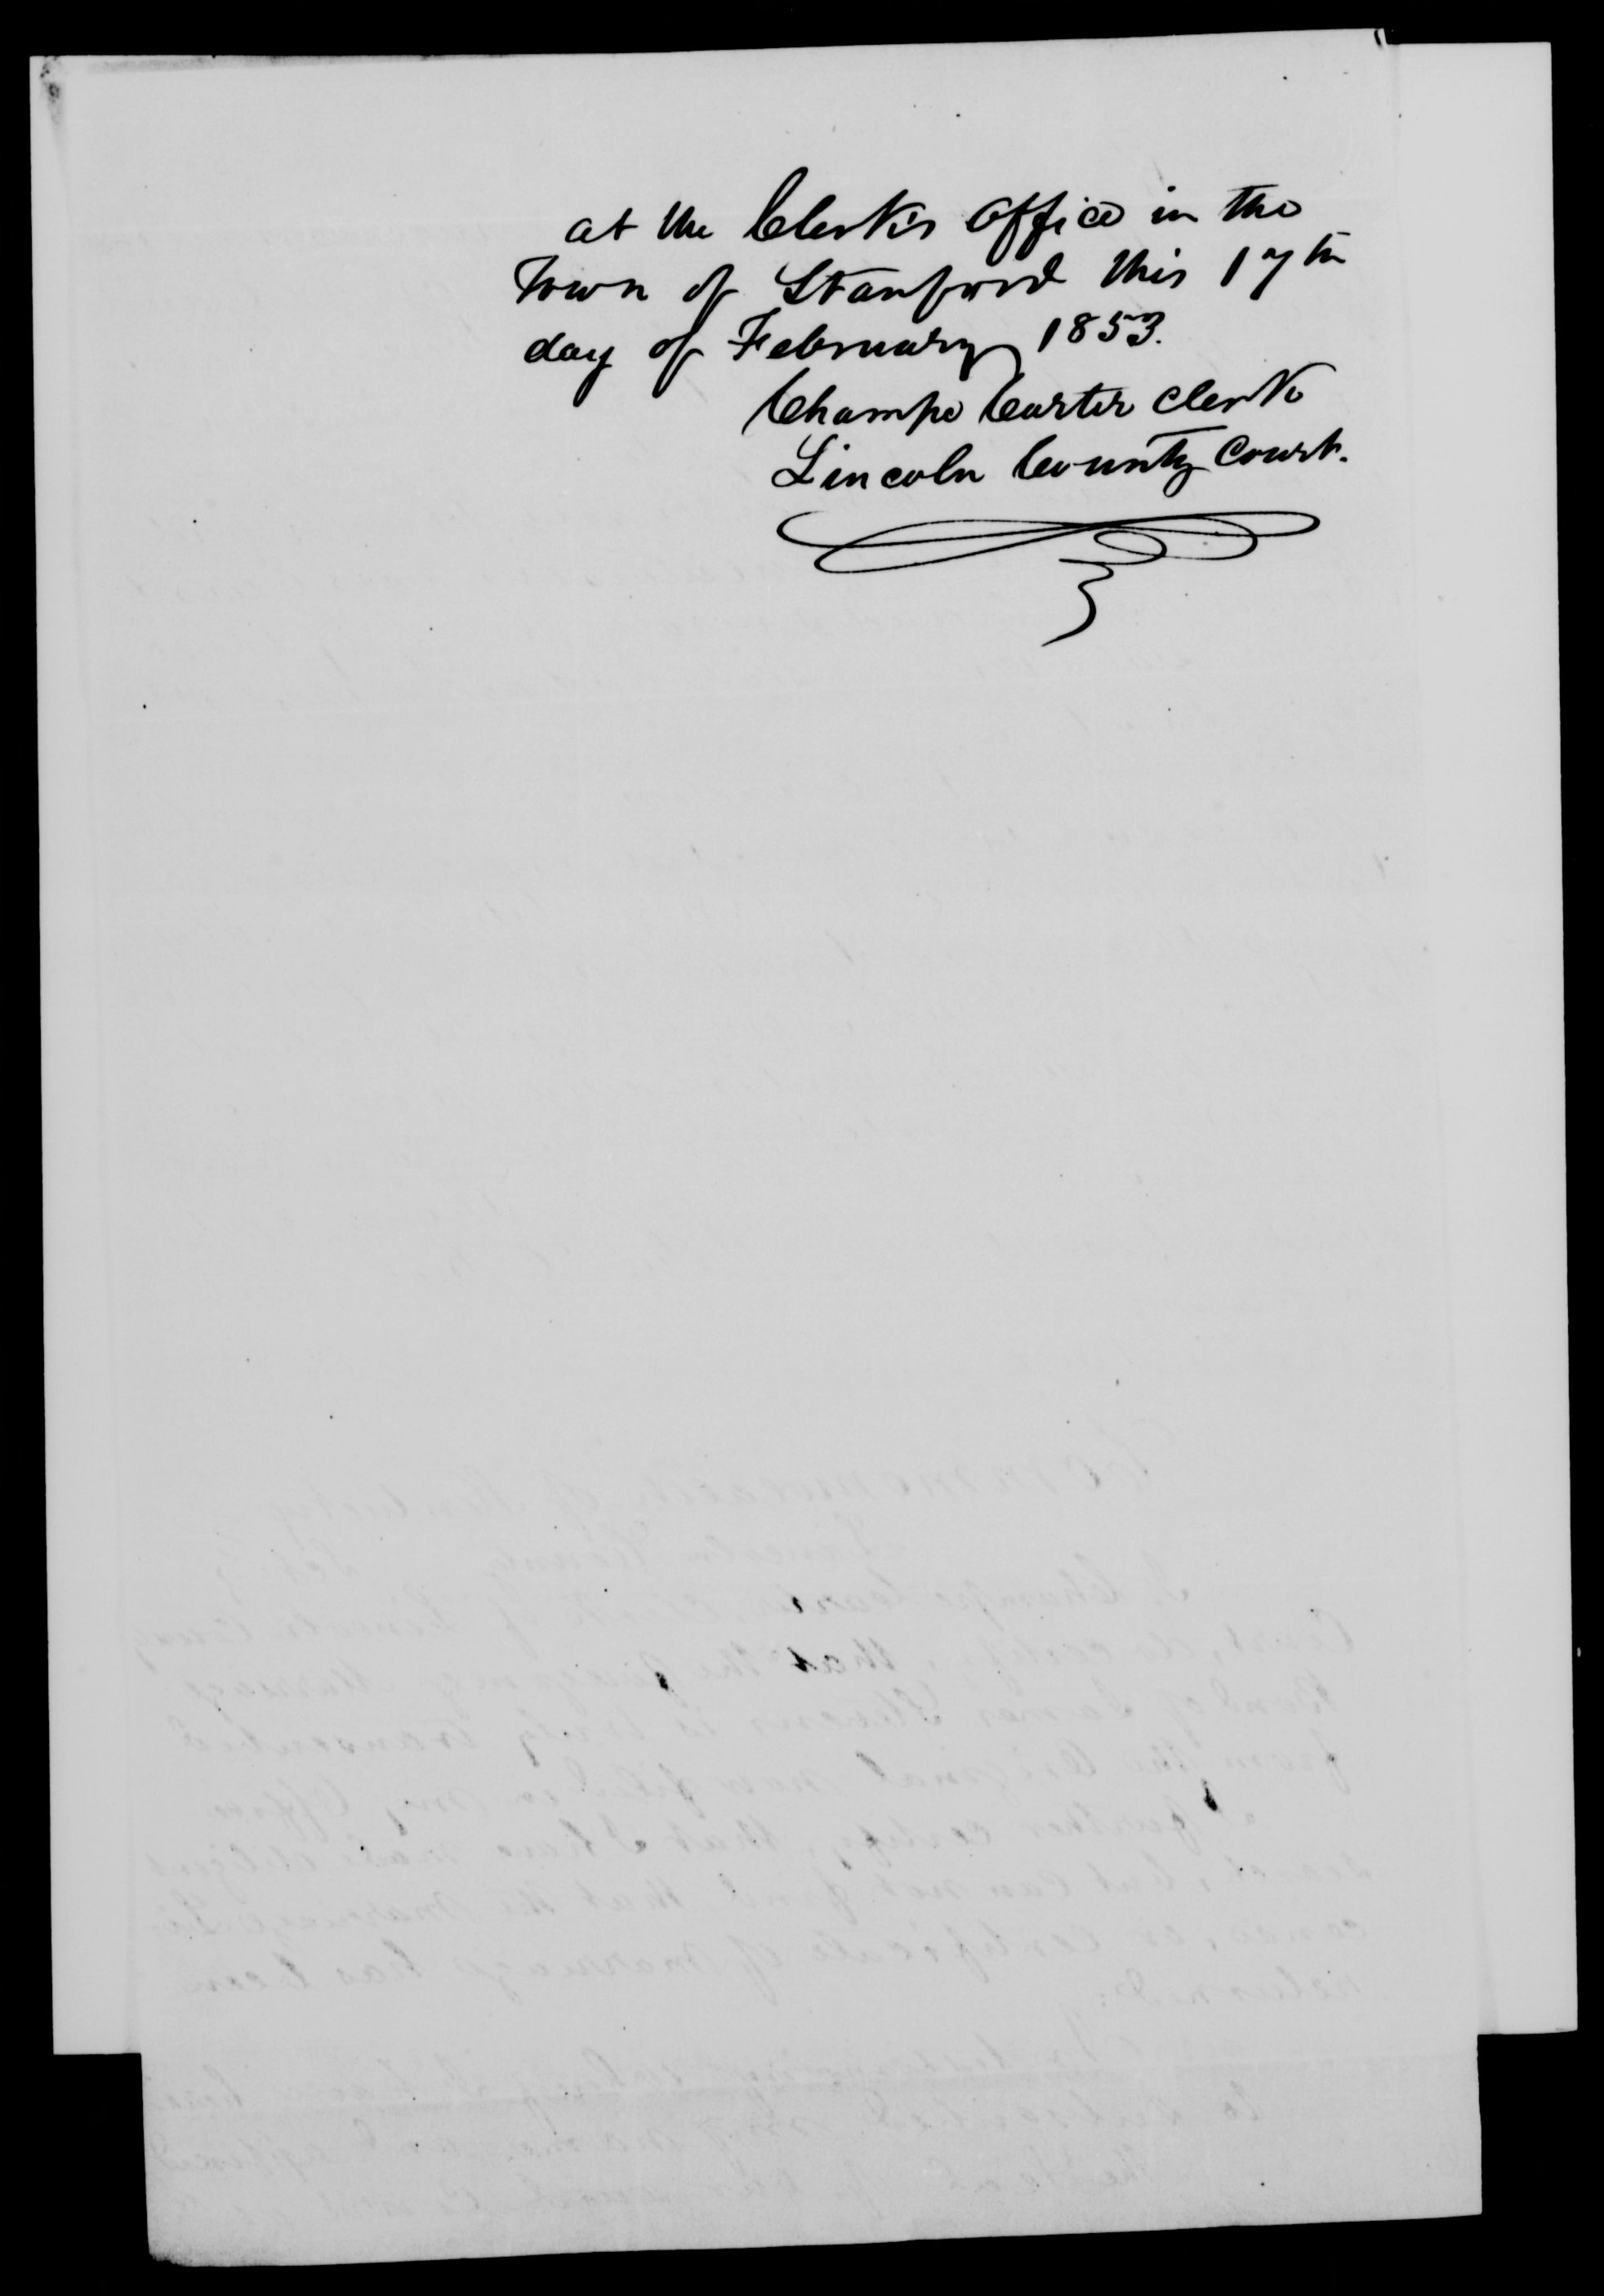at the Clerks Office in the
Town of Stanford this 17th
day of February 1853.
Champe Carter Clerk
Lincoln County Court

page: 26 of 99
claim: widow's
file: W 8766, for James Stevens, Virginia